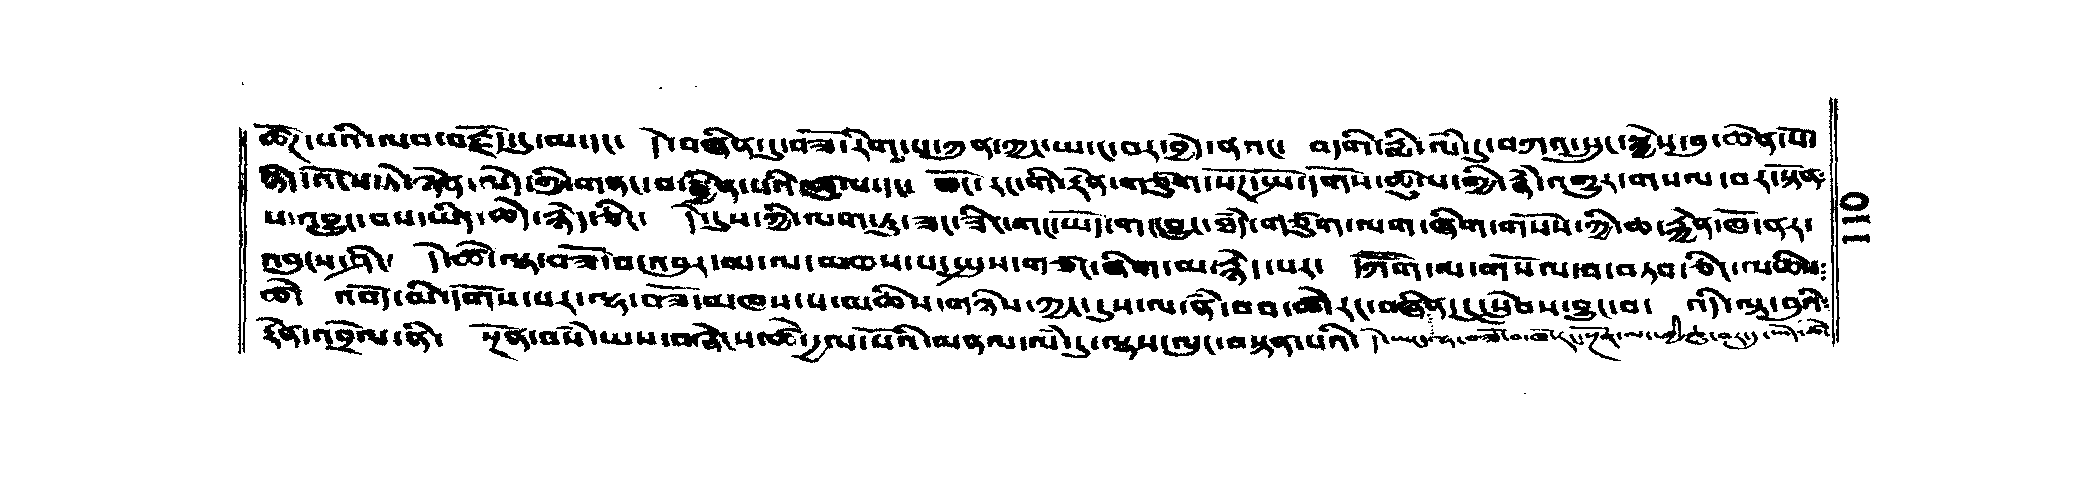པའི་ལབ་བརྗོད་དུ་མ་དང་། དེ་བཞིན་དུ་བཟོ་རིགས་པ་ཀུན་ཀྱང་ཡ་ང་བར་བྱེད་ནའང་། བདག་གི་རྨི་ལམ་དུ་བཀའ་སྲུང་སྐྱེས་བུ་ཆེན་པོ་
ཉིད་འོངས་ཏེ་ཉེན་མེད་ཀྱི་གནང་བ་སྦྱིན་པའི་ཚུལ་དང་། ཁོང་རང་གི་རྟེན་གཙུག་སོགས་སྤོ་དགོས་ཚུལ་གྱི་རྣམ་འགྱུར་གསལ་བར་སྟོན་
པ་འབྱུང་བས་ཡིད་ཆེས་རྙེད་ཅིང་། དེ་དུས་ཀྱི་ལག་ཏུ་ཟང་ཟིང་གང་ཡོད་གང་བྱུང་ཐམས་ཅད་གཙུག་ལག་ཞིག་གསོས་ཀྱི་ཆ་རྐྱེན་ཁོ་ནར་
སྤུངས་ཤིང་། དེ་ཚེ་ལྷ་བཟོ་བ་འབུར་མ་ལ་མཁས་པ་སྤུས་གཙང་ཞིག་མ་རྙེད་པར། དཀོན་མཆོག་ལ་གསོལ་བ་བཏབ་ཅིང་མཆིས་
ཚེ། འབོད་མི་དགོས་པར་ལྷ་བཟོ་མཁས་པ་མཆེད་གཉིས་ཀྱང་དུས་ལ་ནམ་བབ་ཚེ་རང་བཞིན་ འདི་ལྟ་བུའི་
རྟེན་འབྲེལ་ནི། སྔོན་བསམ་ཡས་བཞེངས་ཚེ་རྒྱལ་པོའི་མནལ་ལམ་དུ་ལྷས་ལུང་བསྟན་པའི་ དེ་ཡང་ལྷ་བཟོ་བ་ཁོ་རང་སྔོན་ལ་ཕྱི་ཆུ་བར་དུ་ཡོད་ཚེ